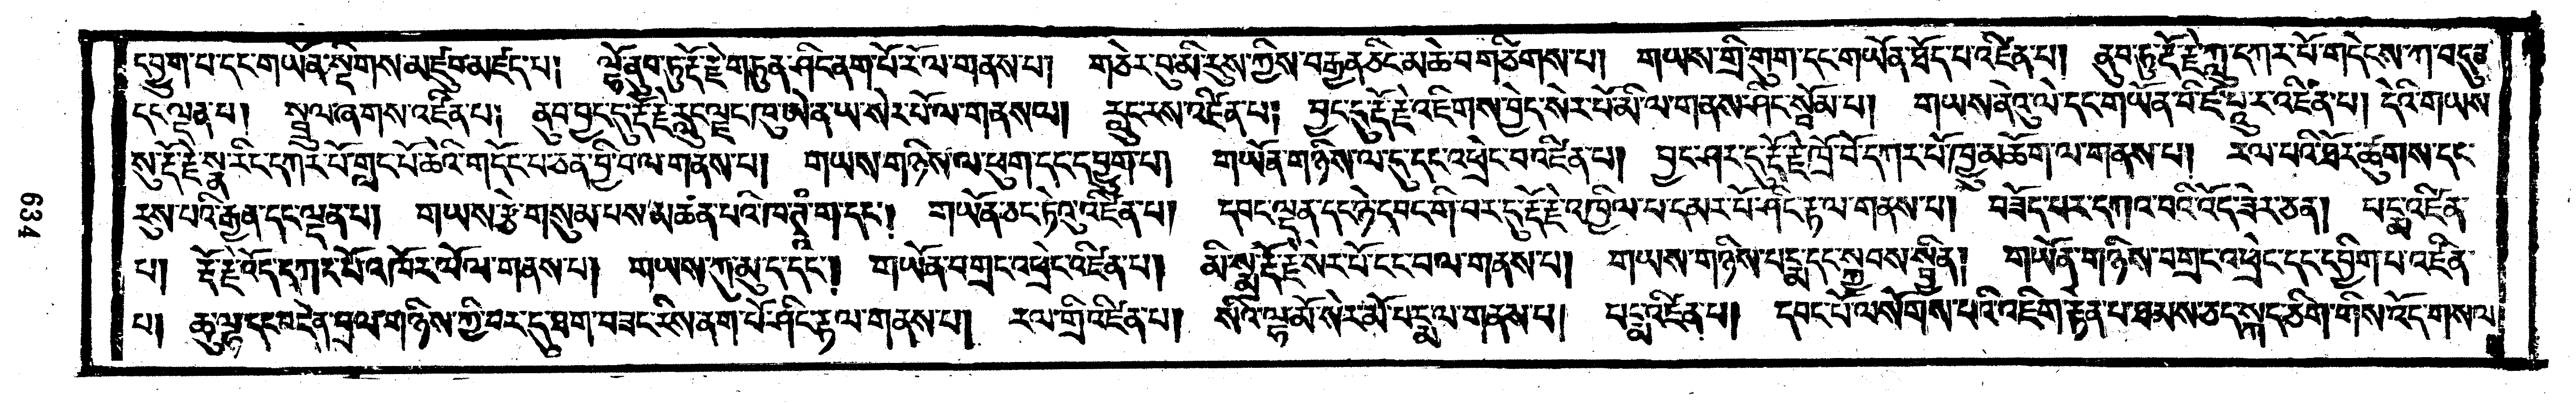དབྱུག་པ་དང་གཡོན་སྡིགས་མཛུབ་མཛད་པ། ལྷོ་ནུབ་ཏུ་རྡོ་རྗེ་གཏུན་ཤིང་ནག་པོ་རོ་ལ་གནས་པ། གཅེར་བུ་མི་རུས་ཀྱིས་བརྒྱན་ཅིང་མཆེ་བ་གཙིགས་པ། གཡས་གྲི་གུག་དང་གཡོན་ཐོད་པ་འཛིན་པ། ནུབ་ཏུ་རྡོ་རྗེ་ཀླུ་དཀར་པོ་གདེངས་ཀ་བདུན་
དང་ལྡན་པ། སྤྲུལ་ཞགས་འཛིན་པ། ནུབ་བྱང་དུ་རྡོ་རྗེ་རླུང་ལྗང་ཁུ་ཨེ་ན་ཡ་སེར་པོ་ལ་གནས་ལ། རླུང་རས་འཛིན་པ། བྱང་དུ་རྡོ་རྗེ་འཇིགས་བྱེད་སེར་པོ་མི་ལ་གནས་ཤིང་སྦོམ་པ། གཡས་ནེའུ་ལེ་དང་གཡོན་བི་ཛ་པཱུ་ར་འཛིན་པ། དེའི་གཡས་
སུ་རྡོ་རྗེ་སྣ་རིང་དཀར་པོ་གླང་པོ་ཆེའི་གདོང་པ་ཅན་བྱི་བ་ལ་གནས་པ། གཡས་གཉིས་ལ་ཕུག་དང་དབྱུག་པ། གཡོན་གཉིས་ལ་དུ་དང་འཕྲེང་བ་འཛིན་པ། བྱང་ཤར་དུ་རྡོ་རྗེ་ཁྲོབ་ནོ་དཀར་པོ་ཁྱུ་མཆོག་ལ་གནས་པ། རལ་པའི་ཐོར་ཚུགས་དང་
རུས་པའི་རྒྱན་དང་ལྡན་པ། གཡས་རྩེ་གསུམ་པས་མཚན་པའི་ཁ་ཊཱྭཾ་ག་དང་། གཡོན་ཅང་ཏེའུ་འཛིན་པ། དབང་ལྡན་དང་ཉེ་དབང་གི་བར་དུ་རྡོ་རྗེ་འཁྱིལ་པ་དམར་པོ་ཤིང་རྟ་ལ་གནས་པ། བཟོད་པར་དཀའ་བའི་འོད་ཟེར་ཅན། པདམ་འཛིན་
པ། རྡོ་རྗེ་འོད་དཀར་པོ་འཁོར་ལོ་ལ་གནས་པ། གཡས་ཀུ་མུ་ད་དང་། གཡོན་བགྲང་འཕྲེང་འཛིན་པ། མི་སྨྲ་རྡོ་རྗེ་སེར་པོ་ངང་བ་ལ་གནས་པ། གཡས་གཉིས་པདམ་དང་སྐྱབས་སྦྱིན། གཡོན་གཉིས་བགྲང་འཕྲེང་དང་དབྱིག་པ་འཛིན་
པ། ཆུ་ལྷ་དང་བདེན་བྲལ་གཉིས་ཀྱི་བར་དུ་ཐག་བཟང་རིས་ནག་པོ་ཤིང་རྟལ་གནས་པ། རལ་གྲི་འཛིན་པ། སའི་ལྷ་མོ་སེར་མོ་པདམ་ལ་གནས་པ། པདམ་འཛིན་པ། དབང་པོ་ལ་སོགས་པའི་འཇིག་རྟེན་པ་ཐམས་ཅད་སྐད་ཅིག་གིས་འོད་གསལ་